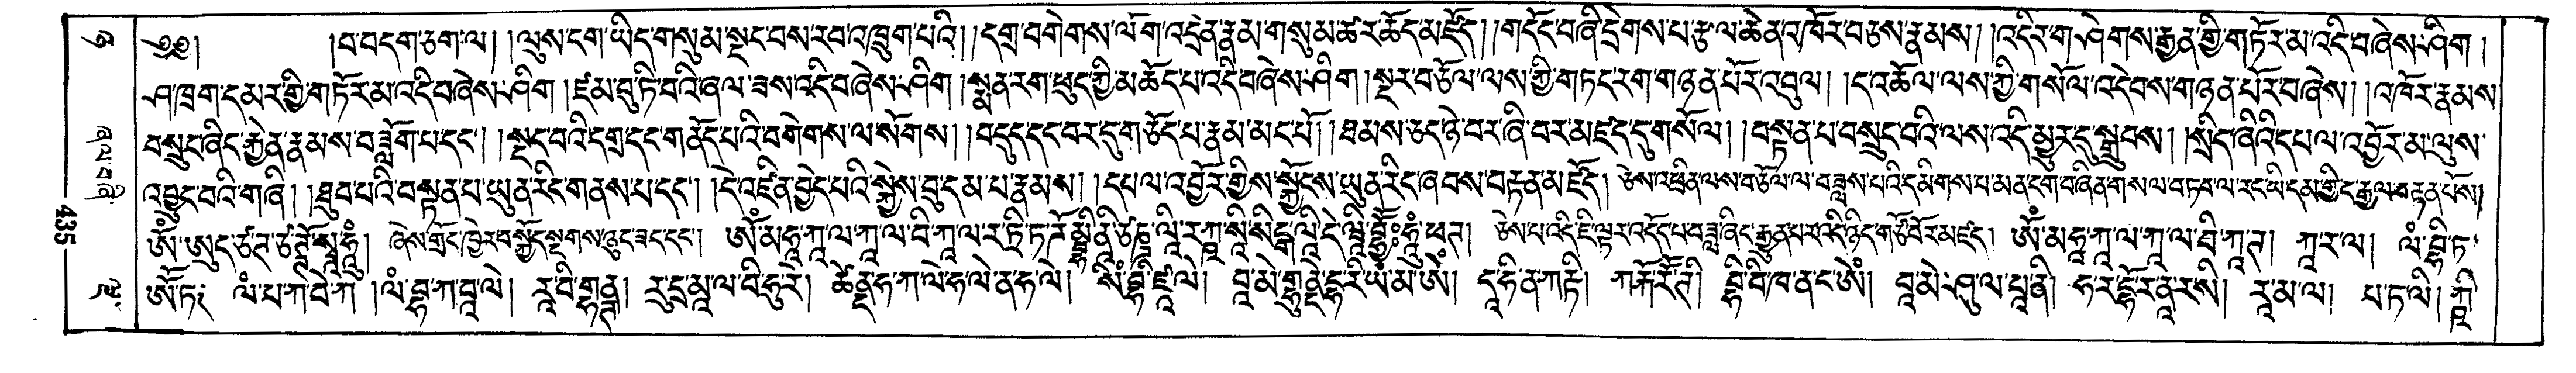༄༅། །བ་བདག་ཅག་ལ། །ལུས་ངག་ཡིད་གསུམ་སྡང་བས་རབ་འཁྲུག་པའི། །དགྲ་བགེགས་ལོག་འདྲེན་རྣམ་གསུམ་ཆེར་ཆོང་མཛོད། །གདོང་བཞི་དྲེགས་པ་རྩལ་ཆེན་འཁོར་བཅས་རྣམས། །འདིར་གཤེགས་རྒྱན་གྱི་གཏོར་མ་འདི་བཞེས་ཤིག།
ཤ་ཁྲག་དམར་གྱི་གཏོར་མ་འདི་བཞེས་ཤིག །ཛམ་བུ་ཏི་བའི་ཞལ་ཟས་འདི་བཞེས་ཤིག །སྨན་རག་ཕུད་ཀྱི་མཆོད་པ་འདི་བཞེས་ཤིག །སྔར་བཅོལ་ལས་ཀྱི་གཏང་རག་གཉན་པོར་འབུལ། །ད་འཆོལ་ལས་ཀྱི་གསོལ་འདེབས་གཉན་པོར་བཞེས། །འཁོར་རྣམས་
བསྲུང་ཞིང་རྐྱེན་རྣམས་བཟློག་པ་དང་། །སྡང་བའི་དགྲ་དང་གནོད་བའི་བགེགས་ལ་སོགས། །བདུད་དང་བར་དུ་གཅོད་པ་རྣམ་མང་པོ། །ཐམས་ཅད་ཉེ་བར་ཞི་བར་མཛད་དུ་གསཽ། །བསྟན་པ་བསྲུང་བའི་ལས་འདི་མྱུར་དུ་སྒྲུབས། །སྲིད་ཞིའི་དཔལ་འབྱོར་མ་ལུས་
འབྱུང་བའི་གཞི། །ཐུབ་པའི་བསྟན་པ་ཡུན་རིང་གནས་བ་དང་། །དེ་འཛིན་བྱེད་པའི་སྐྱེས་བུ་དམ་པ་རྣམས། །དཔལ་འབྱོར་གྱིས་སྐྱོངས་ཡུན་རིང་ཞབས་བརྟན་མཛོད། ཅེས་འཕྲིན་ལས་བཅོལ་ལ་བཟླས་པའི་དམིགས་པ་མན་ངག་བཞིན་གསལ་བཏབ་ལ་རང་ཡི་དམ་གྱི་ང་རྒྱལ་བརྟན་པོས་
ཨོཾ་ཨུད་ཙཊ་ཙཊྚོ་སྭཱ་ཧཱུཾ། ཞེས་གྲོང་ཁྱེར་བསྐྱོད་སྔགས་ཉུང་ཟད་དང་། ཨོཾ་མཧཱ་ཀཱ་ལ་ཀཱ་ལ་བི་ཀཱ་ལ་ར་ཏྲི་ཏ་ཌོམྦྷི་ནཱི་ཙཎྜ་ལཱི་རཀྵ་སཱི་སིངྒ་ལཱི་དེ་ཝཱི་བྷྱཽཿཧཱུཾ་ཕཊ། ཅེས་པ་འདི་ཇི་ལྟར་འདོད་པ་བཟླ་ཞིང་རྒྱུན་པར་འདི་ཉིད་གཙོ་བོར་མཛད།  ཨོཾ་མཧཱ་ཀཱ་ལ་ཀཱ་ལ་བི་ཀཱ་ཊ། ཀཱ་རལ། ལཾ་བྷི་ཏ་
ཨཽཏ༑ ལཾ་པ་ཀ་པེག །ལཾ་བྷ་ཀ་བཱ་ལེ། རཱ་བི་གྷནྚ། རུ་དྲ་མཱ་ལ་བི་ཧུ་རེ། ཚེནྡ་ཧ་ཀ་ལེ་ཧ་ལེ་ན་ཧ་ལེ། སིཾ་བྷ་ཛཱི་ལེ། བཱ་མེགྷུནྡེདྷ་དི་ཡཾ་མ་ཨེཾ། དཱ་ཧི་ན་ཀརྟི། ཀརྐོརཽ་ཊི། བྷི་བི་ཁ་རདྷ་ཨེཾ། བཱ་མེ་ཤུ་ལ་པཱ་ནི། ཧར་དྷོར་ནཱ་ར་སི། རཱ་མ་ལ། པ་ཏ་ལི། ཀྵིཾ་